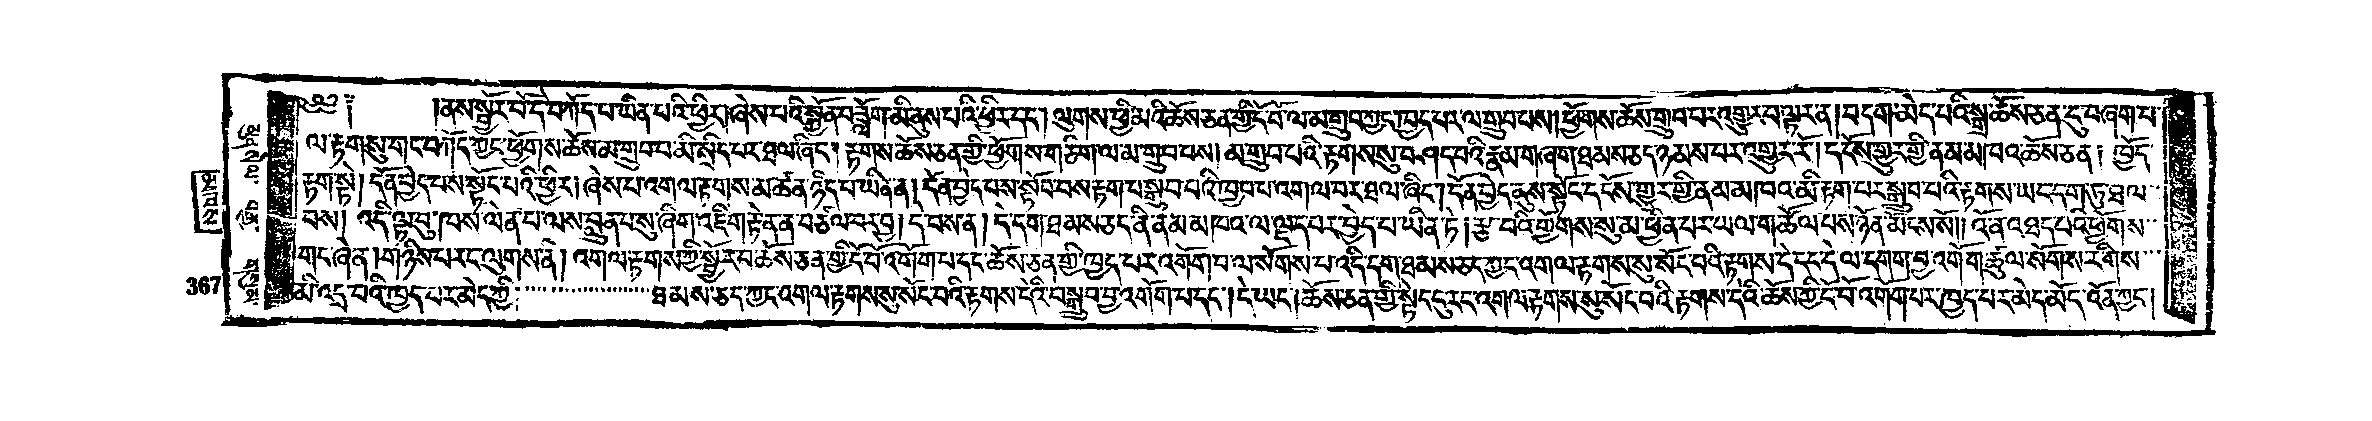༄༅། །ནས་སྦྱོར་བ་དེ་བཀོད་པ་ཡིན་པའི་ཕྱིར། ཞེས་པའི་སྐྱོན་བཟློག་མི་ནུས་པའི་ཕྱིར་དང་། ལུགས་ཕྱི་མའི་ཆོས་ཅན་གྱི་ངོ་བོ་ལ་མ་གྲུབ་ཀྱང་ཁྱད་པར་ལ་གྲུབ་པས། ཕྱོགས་ཆོས་གྲུབ་པར་འགྱུར་བ་ལྟར་ན། བདག་མེད་པའི་སྒྲ་ཆོས་ཅན་དུ་བཞག་པ་
ལ་རྟགས་སུ་གང་བཀོད་ཀྱང་ཕྱོགས་ཆོས་མ་གྲུབ་པ་མི་སྲིད་པར་ཐལ་ཞིང་། རྟགས་ཆོས་ཅན་གྱི་ཕྱོགས་གཅིག་ལ་མ་གྲུབ་པས། མ་གྲུབ་པའི་རྟགས་སུ་བཤད་པའི་རྣམ་གཞག་ཐམས་ཅད་ཉམས་པར་འགྱུར་རོ། དངོས་གྱུར་གྱི་ནམ་མཁའ་ཆོས་ཅན། ཁྱོད་
རྟག་སྟེ། དོན་བྱེད་པས་སྟོང་པའི་ཕྱིར། ཞེས་པ་འགལ་རྟགས་མཚན་ཉིད་པ་ཡིན་ན། དོན་བྱེད་པས་སྟོང་བས་རྟག་པ་སྒྲུབ་པའི་ཁྱབ་པ་འགལ་བར་ཐལ་ཞིང་། དོན་བྱེད་ནུས་སྟོང་དངོས་གྱུར་གྱི་ནམ་མཁའ་མི་རྟག་པར་སྒྲུབ་པའི་རྟགས་ཡང་དག་ཏུ་ཐལ་
བས། འདི་ལྟ་བུ་ཁས་ལེན་པ་ལས་བླུན་པ་སུ་ཞིག་འཇིག་རྟེན་ན་བཙལ་བར་བྱ། དེ་བས་ན། དེ་དག་ཐམས་ཅད་ནི་ནམ་མཁའ་ལ་ལྡན་པར་བྱེད་པ་ཡིན་ཏེ། རྩ་བའི་ཕྱོགས་སུ་མ་ཕྱིན་པར་ཡལ་ག་ཚོལ་པས་ཉོན་མོངས་སོ། །འོ་ན་འཐད་པའི་ཕྱོགས་
གང་ཞེ་ན། གཉིས་པ་རང་ལུགས་ནི། འགལ་རྟགས་ཀྱི་སྦྱོར་བ་ཆོས་ཅན་གྱི་ངོ་བོ་འགོག་པ་དང་ཆོས་ཅན་གྱི་ཁྱད་པར་འགོག་པ་ལ་སོགས་པ་འདི་དག་ཐམས་ཅད་ཀྱང་འགལ་རྟགས་སུ་སོང་བའི་རྟགས་དེ་དང་དེ་ལ་དགག་བྱ་འགོག་ཚུལ་སོགས་རིག་
མི་འདྲ་བའི་ཁྱད་པར་མེད་ཀྱི། ཐམས་ཅད་ཀྱང་འགལ་རྟགས་སུ་སོང་བའི་རྟགས་དེའི་བསྒྲུབ་བྱ་འགོག་པ་དང་། དེ་ཡང་། ཆོས་ཅན་གྱི་སྟེང་དུ་རང་འགལ་རྟགས་སུ་སོང་བའི་རྟགས་དེའི་ཆོས་ཀྱི་ངོ་བོ་འགོག་པར་ཁྱད་པར་མེད་མོང་འོང་ཀྱང་།